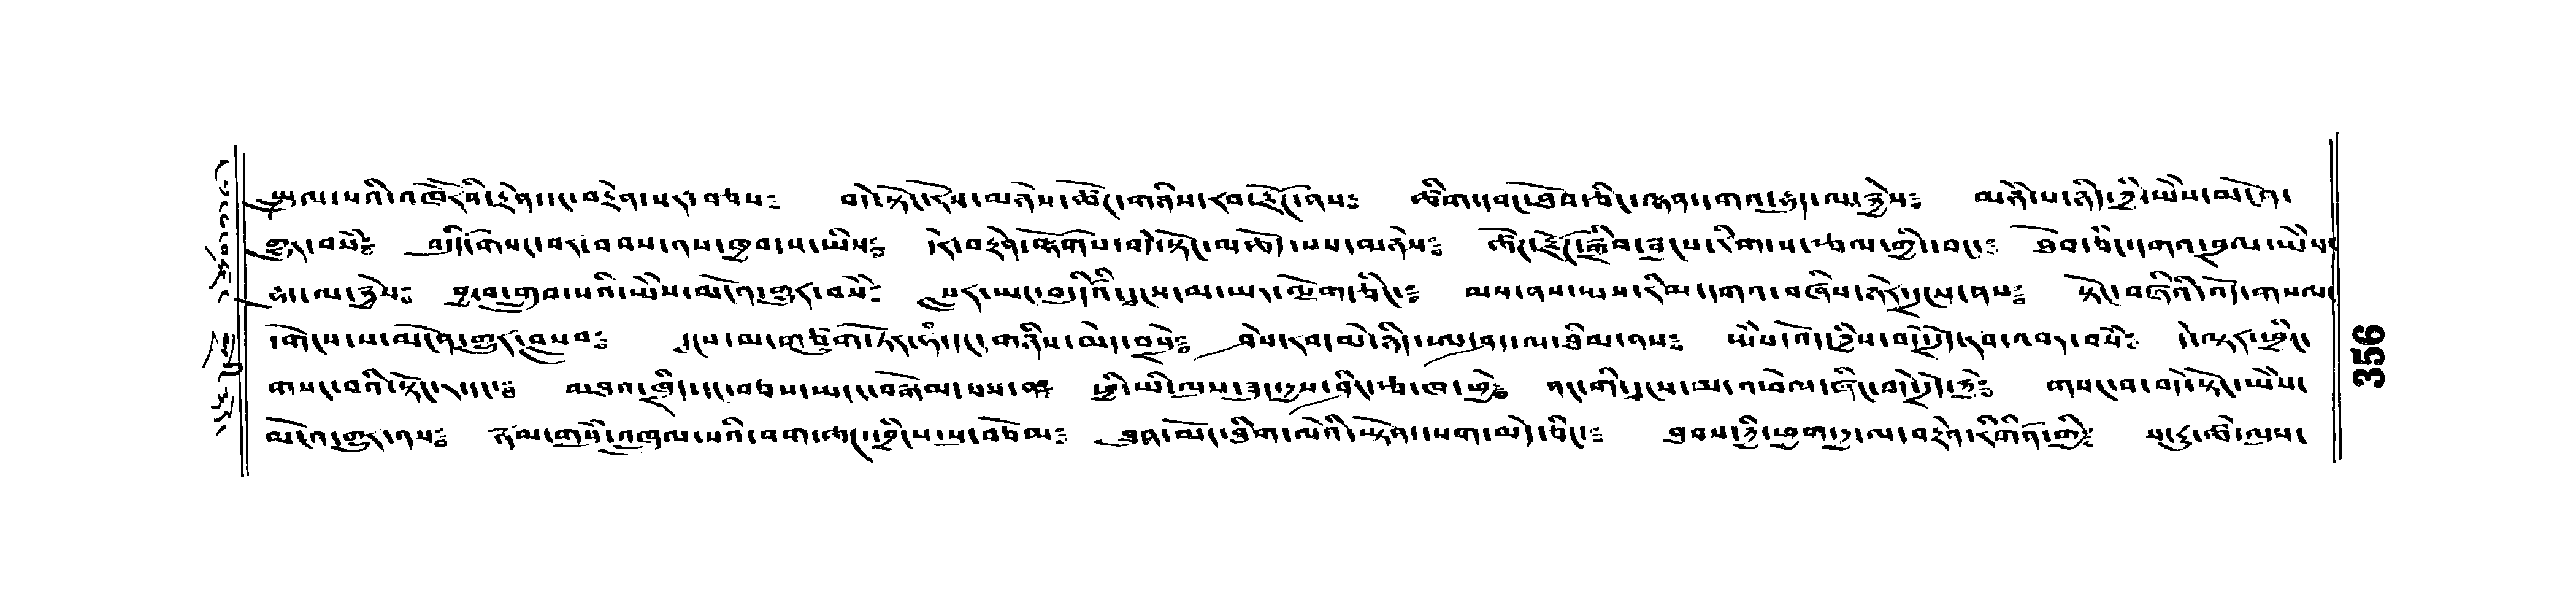སྤྲུལ་པའི་འཁོར་ལོའི་རྟེན་དང་བརྟེན་པར་བཅས༔ བདེ་སྟོང་རོས་མཉེས་ཚོགས་གཉིས་རབ་རྫོགས་ནས༔ ཚིག་དབང་ཐོབ་ཅིང་ལྷན་དགའ་རྒྱུད་ལ་སྐྱེས༔ མཉམ་པ་ཉིད་ཀྱི་ཡེ་ཤེས་མངོན་
གྱུར་བསམ༔ བདུད་རྩི་གསང་བར་བབས་ནས་ཁྱབ་པ་ཡིས༔དེར་བརྟེན་ལྷ་ཚོགས་བདེ་སྟོང་མཆོད་པས་མཉེས༔ ཚོགས་རྫོགས་སྒྲིབ་སྦྱངས་རིག་པ་རྩལ་གྱི་དབང༔ ཐོབ་ཅིང་དགའ་བྲལ་ཡེ་ཤེས་
རྒྱུད་ལ་སྐྱེས༔ བྱ་བ་གྲུབ་པའི་ཡེ་ཤེས་མངོན་གྱུར་བསམ༔ སླར་ཡང་བདུད་རྩིའི་དྭངས་མ་ཡར་ལྡོག་ཅིང༔ མས་ནས་ཡས་རིམ་དགའ་བཞིས་ཉེར་དྲངས་ནས༔ སྟོང་བཞིའི་འོད་གསལ་
དགོངས་པ་མངོན་གྱུར་བསླབ༔ དྭངས་མ་གཙུག་ཏོར་ཧཾ་དང་གཉིས་མེད་བསྲེ༔ ཤེས་རབ་མེ་ཉིད་ཨ་ཤད་ལ་ཐིམ་ནས༔ ཡེ་ཤེས་འོད་ཀྱིས་བདེ་དྲོད་རབ་འབར་བསམ༔ དེ་ལྟར་ཕྱི་ནང་
གསང་བའི་སྟོང་ར་དང༔ མཐའ་ཁྲིད་དང་བཅས་ཡང་ཡང་བསྒོམ་པས་ན༔ ཕྱི་ཡི་ལུས་གཟུངས་རྒྱས་ཤིང་རྩ་ཁ་ཕྱེ༔ ནང་གི་དྭངས་མ་འཕེལ་ཞིང་བདེ་དྲོད་སྐྱེ༔ གསང་བ་བདེ་སྟོང་ཡེ་ཤེས་
མངོན་གྱུར་ནས༔ རྣམ་གསུམ་འཁྲུལ་པའི་བག་ཆགས་དབྱིངས་སུ་བཅོམ༔ ཐུན་མོང་ཐིག་ལེའི་ཡོན་ཏན་དཔག་མེད་ཅིང༔ ཐབས་ཀྱི་ཕྱག་རྒྱ་ལ་བརྟེན་རིག་འཛིན་གྱི༔ ས་རུ་ཚེ་ལུས་